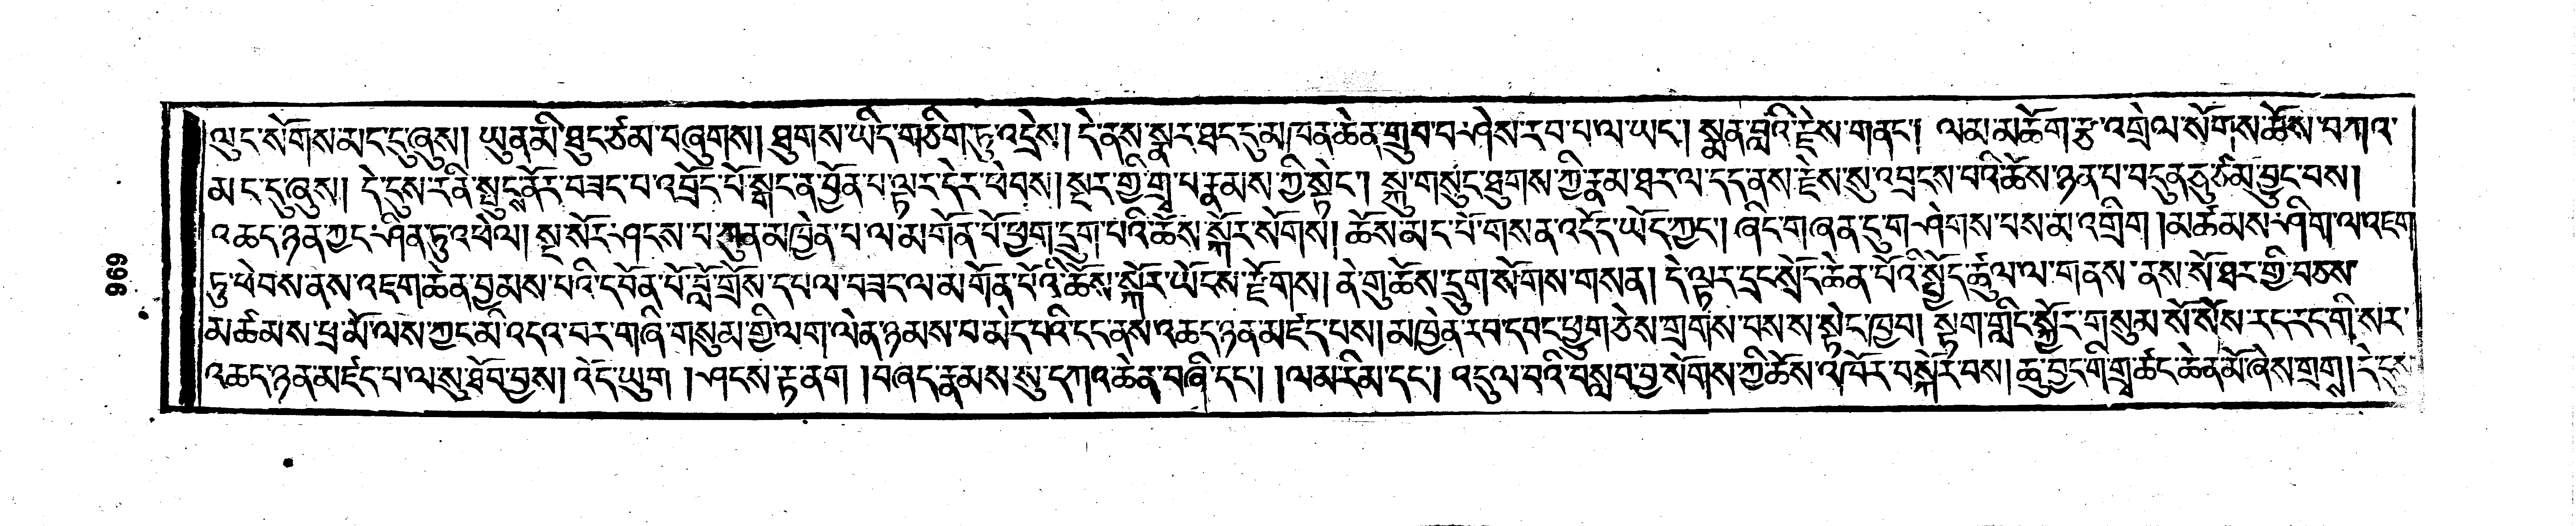ལུང་སོགས་མང་དུ་ཞུས། ཡུན་མི་ཐུང་ཙམ་བཞུགས། ཐུགས་ཡིད་གཅིག་ཏུ་འདྲེས། དེ་ནས་སྣར་ཐང་དུ་མཁན་ཆེན་གྲུབ་པ་ཤེས་རབ་པ་ལ་ཡང་། སྨན་བླའི་རྗེས་གནང་། ལམ་མཆོག་རྩ་འགྲེལ་སོགས་ཆོས་བཀའ་
མང་དུ་ཞུས། དེ་དུས་རི་སྤུངས་ནོར་བཟང་བ་འབྲོང་པོ་སྒང་ན་བྱོན་པ་ལྟར་དེར་ཕེབས། སྔར་གྱི་གྲྭ་པ་རྣམས་ཀྱི་སྟེང་། སྐུ་གསུང་ཐུགས་ཀྱི་རྣམ་ཐར་ལ་དད་ནས་རྗེས་སུ་འབྲངས་བའི་ཆོས་ཉན་པ་བདུན་ཅུ་ཙམ་བྱུང་བས།
འཆད་ཉན་ཀྱང་ཤིན་ཏུ་འཕེལ། སྔ་སོར་ཤངས་པ་ཀུན་མཁྱེན་པ་ལ་མགོན་པོ་ཕྱག་དྲུག་པའི་ཆོས་སྐོར་སོགས། ཆོས་མང་པོ་གསན་འདོད་ཡོད་ཀྱང་། ཞིང་གཞན་དུ་གཤེགས་པས་མ་འགྲིག །མཚམས་ཤིག་ལ་འཇག་
ཏུ་ཕེབས་ནས་འཇག་ཆེན་བྱམས་པའི་དཔོན་པོ་བློ་གྲོས་དཔལ་བཟང་ལ་མགོན་པོའི་ཆོས་སྐོར་ཡོངས་རྫོགས། ནེ་གུ་ཆོས་དྲུག་སོགས་གསན། དེ་ལྟར་དྲང་སྲོང་ཆེན་པོའི་སྤྱོད་ཚུལ་ལ་གནས་ནས་སོ་ཐར་གྱི་བཅས་
མཚམས་ཕྲ་མོ་ལས་ཀྱང་མི་འདའ་བར་གཞི་གསུམ་གྱི་ལག་ལེན་ཉམས་པ་མེད་པའི་ངང་ནས་འཆད་ཉན་མཛད་པས། མཁྱེན་རབ་དབང་ཕྱུག་ཅེས་གྲགས་པས་ས་སྟེང་ཁྱབ། སྟག་གླིང་སྦྱོར་གསུམ་སོ་སོས་རང་རང་གི་སར་
འཆད་ཉན་མཛད་པ་ལ་སུ་ཐོབ་བྱས། འོད་ཡུག །ཤངས་རྟ་ནག །བཞད་རྣམས་སུ་དཀའ་ཆེན་བཞི་དང་། །ལམ་རིམ་དང་། འདུལ་བའི་བསླབ་བྱ་སོགས་ཀྱི་ཆོས་འཁོར་བསྐོར་བས། ཆུ་བྱང་གི་གྲྭ་ཚང་ཆེན་མོ་ཞེས་གྲགས། དེ་དུས་